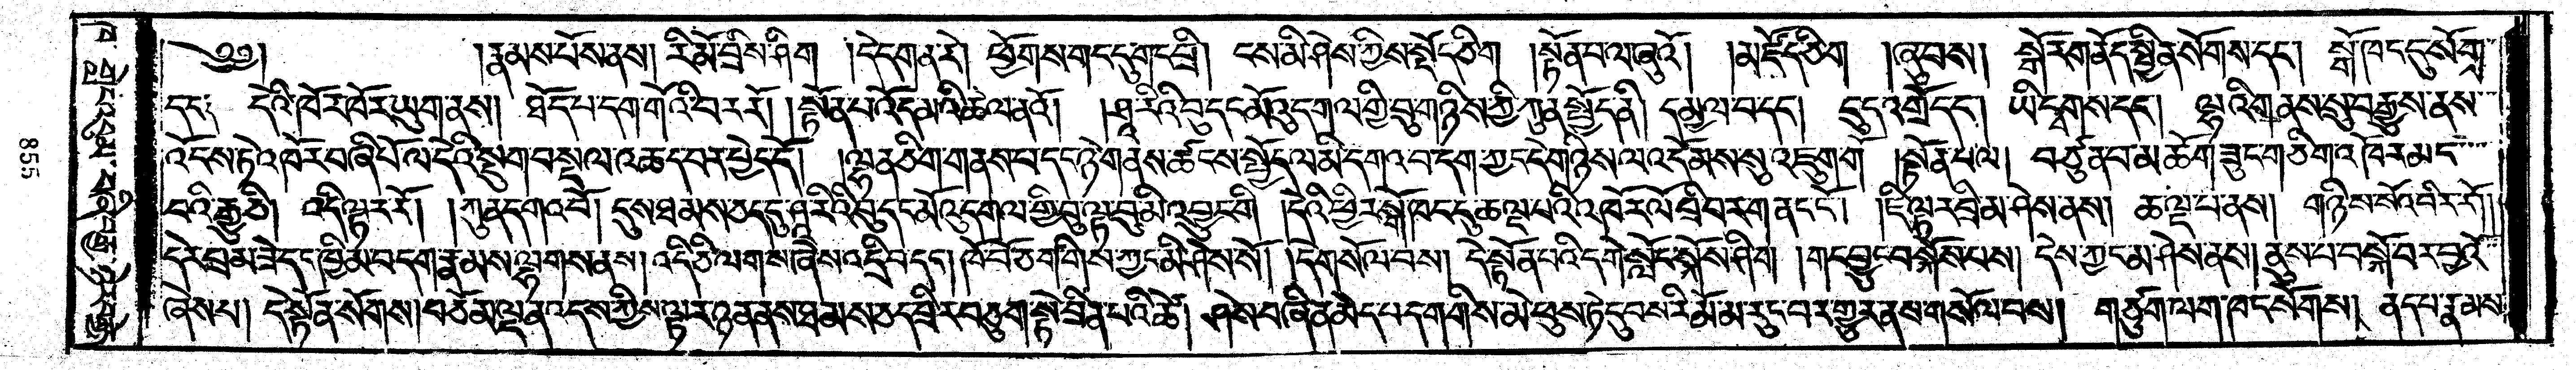༄༅། །རྣམས་པོས་ནས། རི་མོ་བྲིས་ཤིག །དེ་དག་ན་རེ། ཕྱོགས་གང་དུ་གང་བྲི། ངས་མི་ཤེས་ཀྱིས་སྡོད་ཅིག །སྟོན་པ་ལ་ཞུའོ། །མཛོད་ཅིག །ཞུ་བས། སྒོར་གནོད་སྦྱིན་སོགས་དང་། སྒོ་ཁང་དུ་སོགས་
དང༑ དེའི་ཁོར་ཁོར་ཡུག་ནས། ཐོད་པ་དག་གོའི་བར་རོ། །སྟོན་པ་འོད་མའི་ཚལ་ནའོ། །ཤཱ་རིའི་བུ་དང་མོའུ་དགལ་གྱི་བུ་གཉིས་ཀྱི་ཀུན་སྤྱོད་ནི། དམྱལ་བ་དང་། དུད་འགྲོ་དང་། ཡི་དྭགས་དང་། ལྷའི་གནས་སུ་བརྒྱུས་ནས་
འོངས་ཏེ་འཁོར་བཞི་པོ་ལ་དེའི་སྡུག་བསྔལ་འཆད་བར་པྱེད་དོ། །ལྷན་ཅིག་གནས་པ་དང་ཉེ་གནས་ཚངས་སྤྱོད་ལ་མི་དགའ་བ་དག་ཀྱང་དེ་གཉིས་ལ་འདོམས་སུ་འཇུག་གོ །སྟོན་པ་ལ། བཙུན་པ་མཆོག་ཟུང་གཅིག་འཁོར་མང་
བའི་རྒྱུ་ཅི། འདི་ལྟར་རོ། །ཀུན་དགའ་བོ། དུས་ཐམས་ཅད་དུ་ཤཱ་རིའི་བུ་དང་མོའུ་དགལ་གྱི་བུ་ལྟ་བུ་མི་འབྱུང་གི །དེའི་ཕྱིར་སྒོ་ཁང་དུ་ཆ་ལྔ་པའི་འཁོར་ལོ་བྲི་བར་གནང་ངོ། །ཇི་ལྟར་བྲི་མ་ཤེས་ནས། ཆ་ལྔ་པ་ནས། གཉིས་སོ་འབིར་རོ།།
དེར་བྲམ་ཟེ་དང་ཁྱིམ་བདག་རྣམས་ལྷགས་ནས། འདི་ཅི་ལགས་ཞེས་འདྲི་བ་དང་། ཁོ་བོ་ཅག་གིས་ཀྱང་མི་ཤེས་སོ། །དེ་གསོལ་བས། དེ་སྟོན་པའི་དགེ་སློང་སྐོས་ཤིག །གང་བྱུང་བསྐོས་པས། དེས་ཀྱང་མ་ཤེས་ནས། ནུས་པ་བསྐོ་བར་བྱའོ་
ཞེས་པ། དེ་སྟོན་སོགས། བཅོམ་ལྡན་འདས་ཀྱིས་ལྟར་ཉན་ནས་ཐམས་ཅད་བྲིར་བཅུག་སྟེ་བྲིན་པའི་ཚེ། ཤེས་བཞིན་མེད་པ་དག་གིས་མེ་ཕུས་ཏེ་དུ་བས་རི་མོ་མ་རུང་བར་གྱུར་ནས་གསོལ་བས། གཙུག་ལག་ཁང་སོགས། ནད་པ་རྣམས་